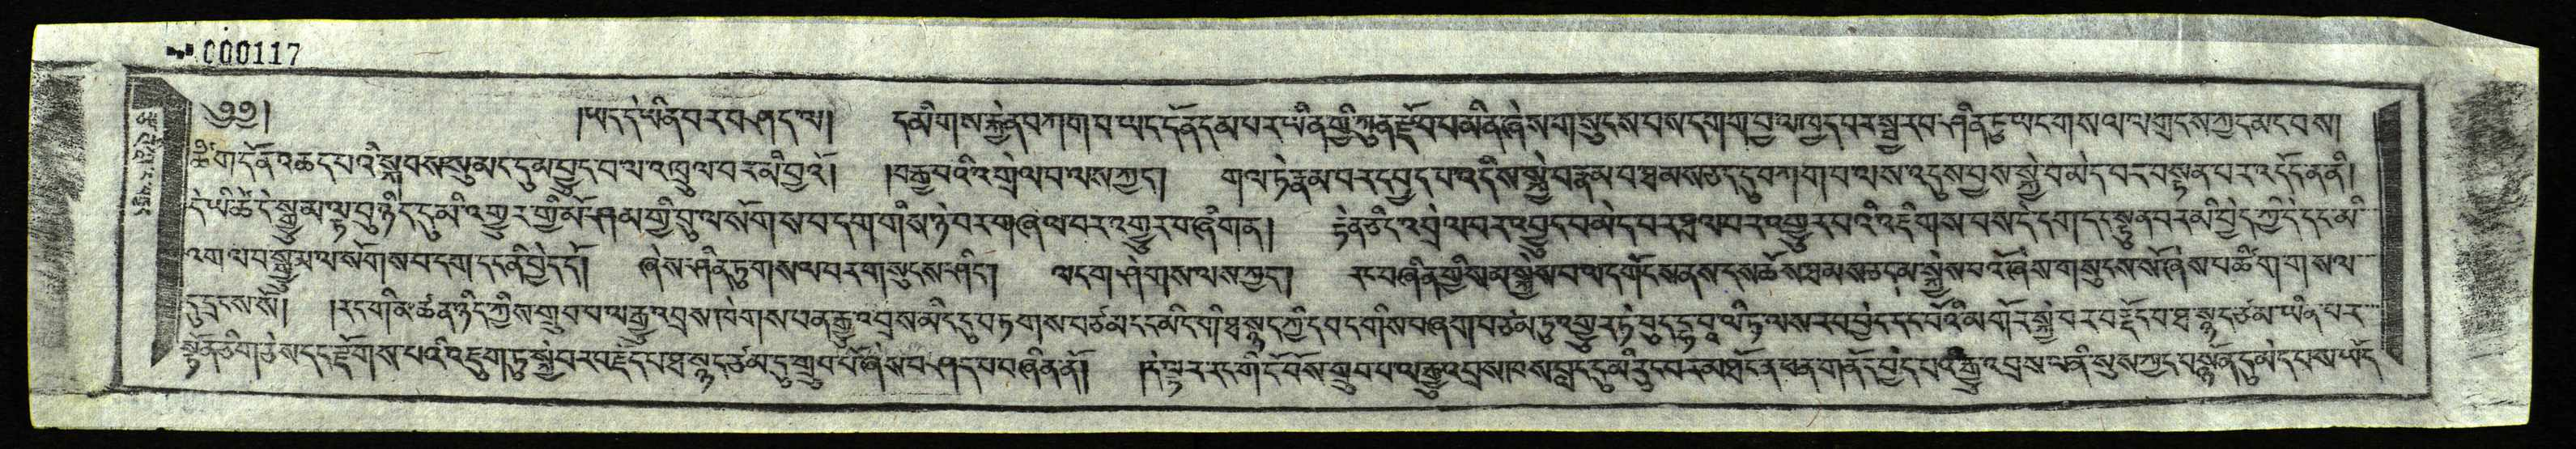༄༅། །ཡང་དེ་ཡིན་པར་བཤད་ལ། དམིགས་རྐྱེན་བཀག་པ་ཡང་དོན་དམ་པར་ཡིན་གྱི་ཀུན་རྫོབ་པ་མིན་ཞེས་གསུངས་པས་དགག་བྱ་ལ་ཁྱད་པར་སྦྱར་བ་ཤིན་ཏུ་ཡང་གསལ་ལ་གྲངས་ཀྱང་མང་བས།
ཚིག་དོན་འཆད་པའི་སྐབས་སུ་མང་དུ་མ་བྱུང་བ་ལ་འཁྲུལ་བར་མི་བྱའོ། །བརྒྱ་བའི་འགྲེལ་བ་ལས་ཀྱང་། གལ་ཏེ་རྣམ་པར་དཔྱད་པ་འདིས་སྐྱེ་བ་རྣམ་པ་ཐམས་ཅད་དུ་བཀག་པ་ལས་འདུས་བྱས་སྐྱེ་བ་མེད་པར་བསྟན་པར་འདོད་ན་ནི།
དེ་ཡི་ཚེ་དེ་སྒྱུ་མ་ལྟ་བུ་ཉིད་དུ་མི་འགྱུར་གྱི་མོ་ཤམ་གྱི་བུ་ལ་སོགས་བདག་གིས་ཉེ་བར་གཞལ་བར་འགྱུར་བ་ཞིག་ན། རྟེན་ཅིང་འབྲེལ་བར་འབྱུང་བ་མེད་པར་ཐལ་བར་འགྱུར་བའི་འཇིགས་པས་དེ་དག་དང་སྟུན་པར་མི་བྱེད་ཀྱི་དེ་དང་མི་
འགལ་བ་སྒྱུ་མ་ལ་སོགས་པ་དག་དང་ནི་བྱེད་དོ། ཞེས་ཤིན་ཏུ་གསལ་བར་གསུངས་ཤིང་། ལང་གཤེགས་ལས་ཀྱང་། རང་བཞིན་གྱིས་མ་སྐྱེས་པ་ལ་དགོངས་ནས་དེས་ཆོས་ཐམས་ཅད་མ་སྐྱེས་པའོ་ཞེས་གསུངས་སོ་ཞེས་པ་ཚིག་གསལ་
དུ་དྲངས་སོ། །རང་གི་མཚན་ཉིད་ཀྱིས་གྲུབ་པ་ལ་རྒྱུ་འབྲས་ཁེགས་བ་ན་རྒྱུ་འབྲས་མིང་དུ་བཏགས་པ་ཙམ་དང་མིང་གི་ཐ་སྙད་ཀྱི་དབང་གིས་བཞག་པ་ཙམ་ཏུ་འགྱུར་ཏེ་བུད་དྷ་པཱ་ལི་ཏ་ལས་རབ་བྱེད་དང་པོའི་མགོར་སྐྱེ་བར་བརྗོད་པ་ཐ་སྙད་ཙམ་ཡིན་པར་
སྟོན་ཅིག་ཅེས་དང་རྫོགས་པའི་འཇུག་ཏུ་སྐྱེ་བར་བརྗོད་པ་ཐ་སྙད་ཙམ་དུ་གྲུབ་པོ་ཞེས་བཤད་པ་བཞིན་ནོ། །དེ་ལྟར་རང་གི་ངོ་བོས་གྲུབ་པ་ལ་རྒྱུ་འབྲས་ཁས་བླང་དུ་མི་རུང་བར་མཐོང་ན་ཕན་གནོད་བྱེད་པའི་རྒྱུ་འབྲས་ལ་ནི་སུས་ཀྱང་བསྙོན་དུ་མེད་པས་ཡོད་